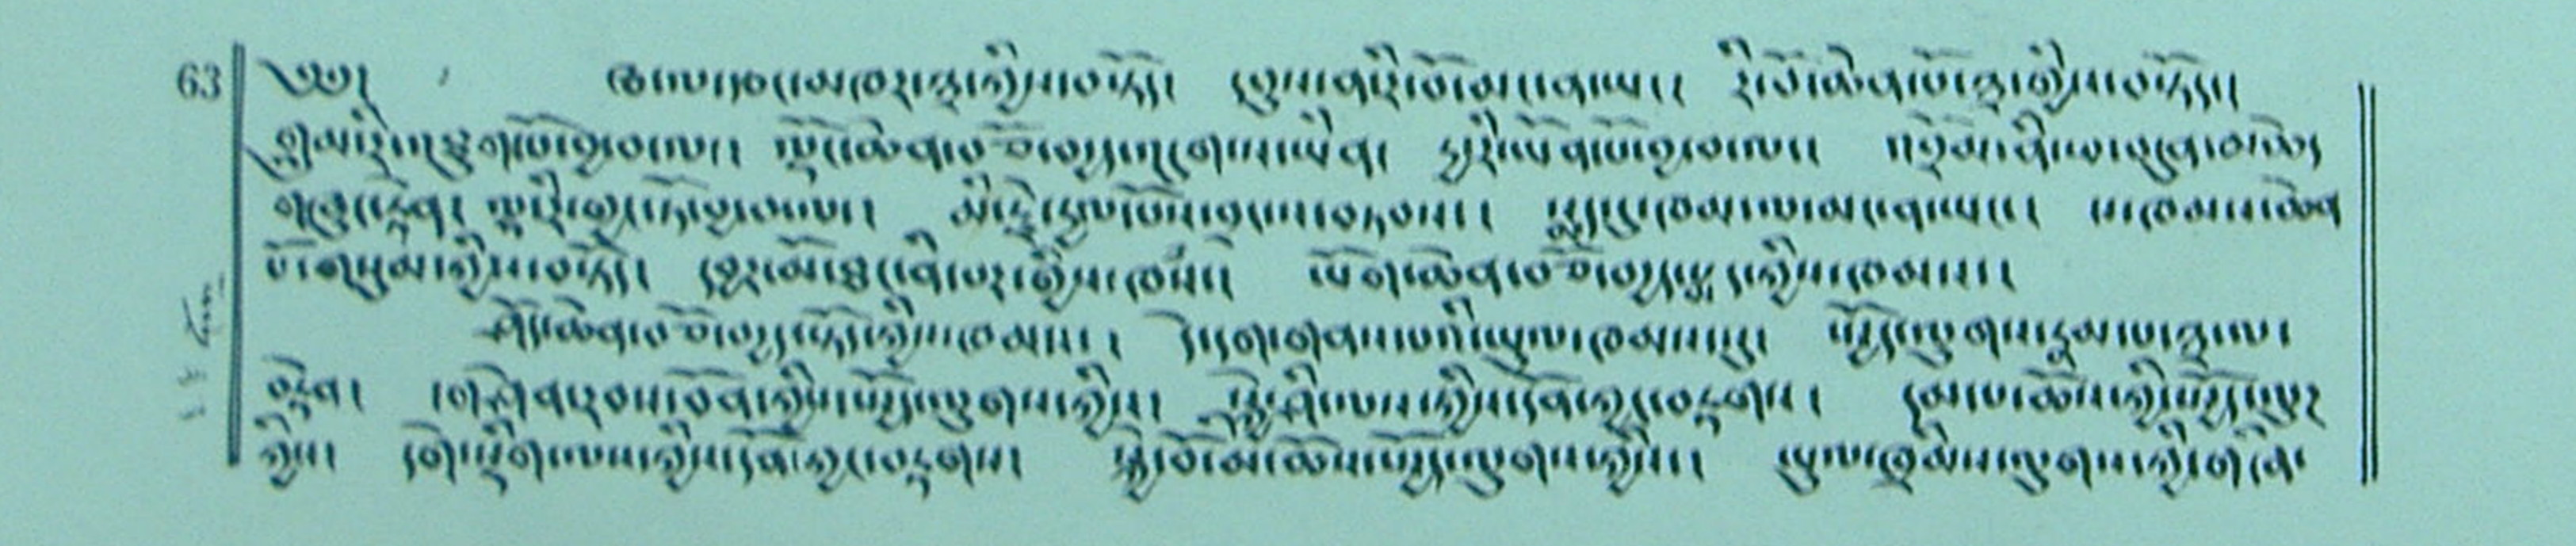༄༅། །ཝ་ལ་རྩང་མཁར་གསུམ་གྱིས་བསྟོད། དབུས་ན་རི་བོ་མང་ན་ཡང་། རི་བོ་ཆེན་པོ་གསུམ་གྱིས་བསྟོད། 
གྲུམ་རི་འཐུག་པོ་བྱ་བ་ལ། ལྡོང་ཆེན་བཅོ་བརྒྱད་འདུག་ས་ཡིན། རྒྱ་རི་ཡོན་པོ་བྱ་བ་ལ། འབྲོམ་ནི་ཕ་བདུན་མཆེད་
གཞུང་རྟེན། ལྷ་རི་གྱང་ཐོ་བྱ་བ་ལ། མི་རྗེ་རྒྱལ་བོའི་བྲང་ས་བཏབས། སྨད་དུ་ཁམས་ལ་མང་ན་ཡང་། ས་ཁམས་ཆེན་
པོ་གསུམ་གྱིས་བསྟོད། དབྱར་མོ་ཐང་ནི་བར་གྱི་ཁམས། ཡོག་ཆེན་བཅོ་བརྒྱད་སྨད་ཀྱི་ཁམས། 
ཤོད་ཆེན་བཅོ་བརྒྱད་སྟོད་ཀྱི་ཁམས། དེ་དག་གནས་པའི་ཡུལ་ཁམས་སུ། སྤྱོད་ལུགས་རྣམ་པ་གསུམ་ལ་
བརྟེན། གཤེན་རབས་བོན་གྱི་སྤྱོད་ལུགས་ཀྱིས། སྐྱེ་ཤི་ལས་ཀྱི་དོན་ཀྱང་བརྟགས། དམ་པ་ཆོས་ཀྱི་སྤྱོད་ལུགས་
ཀྱིས། དགེ་སྡིག་ལས་ཀྱི་དོན་ཀྱང་བརྟགས། སྐྱེ་བོ་མི་ཆོས་སྤྱོད་ལུགས་ཀྱིས། ཡུལ་ཁྲིམས་ལུགས་ཀྱི་གཞི་